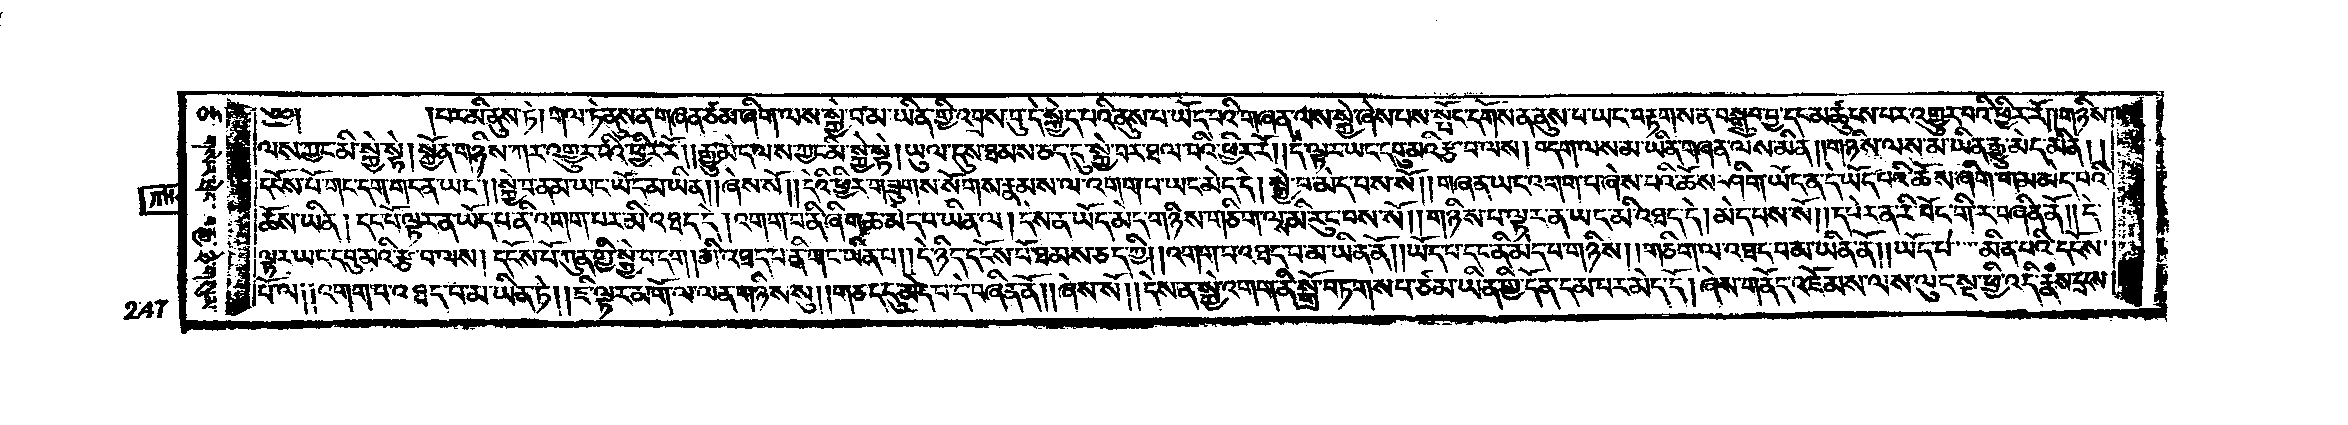༄༅། །པར་མི་ནུས་ཏེ། གལ་ཏེ་ནུས་ན་གཞན་ཙམ་ཞིག་ལས་སྐྱེ་བ་མ་ཡིན་གྱི་འབྲས་བུ་དེ་སྐྱེད་པའི་ནུས་པ་ཡོད་པའི་གཞན་ལས་སྐྱེ་ཞེས་པས་སྤོང་དགོས་ན་ནུས་པ་ཡང་བརྟགས་ན་བསྒྲུབ་བྱ་དང་མཚུངས་པར་འགྱུར་བའི་ཕྱིར་རོ། །གཉིས་
ལས་ཀྱང་མི་སྐྱེ་སྟེ། སྐྱོན་གཉིས་ཀར་འགྱུར་བའི་ཕྱིར་རོ། །རྒྱུ་མེད་ལས་ཀྱང་མི་སྐྱེ་སྟེ། ཡུལ་དུས་ཐམས་ཅད་དུ་སྐྱེ་བར་ཐལ་བའི་ཕྱིར་རོ། །དེ་ལྟར་ཡང་དབུ་མའི་རྩ་བ་ལས། བདག་ལས་མ་ཡིན་གཞན་ལས་མིན། །གཉིས་ལས་མ་ཡིན་རྒྱུ་མེད་མིན། །
དངོས་པོ་གང་དག་གང་ན་ཡང་། །སྐྱེ་བ་ནམ་ཡང་ཡོད་མ་ཡིན། །ཞེས་སོ། །དེའི་ཕྱིར་གཟུགས་སོགས་རྣམ་ལ་འགག་པ་ཡང་མེད་དེ། སྐྱེ་བ་མེད་པས་སོ། །གཞན་ཡང་འགག་པ་ཞེས་པའི་ཆོས་ཤིག་ཡོད་ན་དེ་ཡོད་པའི་ཆོས་ཞིག་གམ་མེད་པའི་
ཆོས་ཡིན། དང་པོ་ལྟར་ན་ཡོད་པ་ནི་འགག་པར་མི་འཐད་དེ། འགག་པ་ནི་ཞིག་ཆ་མེད་པ་ཡིན་ལ། དེས་ན་ཡོད་མེད་གཉིས་གཅིག་ལས་མི་རུང་བས་སོ། །གཉིས་པ་ལྟར་ན་ཡང་མི་འཐད་དེ། མེད་པས་སོ། །དཔེར་ན་རི་བོང་གི་ར་བཞིན་ནོ། །དེ་
ལྟར་ཡང་དབུ་མའི་རྩ་བ་ལས། དངོས་པོ་ཀུན་གྱི་སྐྱེ་བ་དག །མི་འཐད་པ་ནི་གང་ཡིན་པ། །དེ་ཉིད་དངོས་པོ་ཐམས་ཅན་ཀྱི། །འགག་པ་འཐད་པ་མ་ཡིན་ནོ། །ཡོད་པ་དང་ནི་མེད་པ་གཉིས། །གཅིག་ལ་འཐད་པ་མ་ཡིན་ནོ། །ཡོད་པ་མིན་པའི་དངོས་
པོ་ལ། །འགག་པ་འཐད་པ་མ་ཡིན་ཏེ། །ཇི་ལྟར་མགོ་ལ་ལན་གཉིས་སུ། །གཅད་དུ་མེད་པ་དེ་བཞིན་ནོ། །ཞེས་སོ། །དེས་ན་སྐྱེ་འགག་ནི་སྒྲོ་བཏགས་པ་ཙམ་ཡིན་གྱི་དོན་དམ་པར་མེད་དོ། ཞེས་གནོད་འཇོམས་ལས་ལུང་སྔ་ཕྱི་འདི་རྣམས་གྲངས་